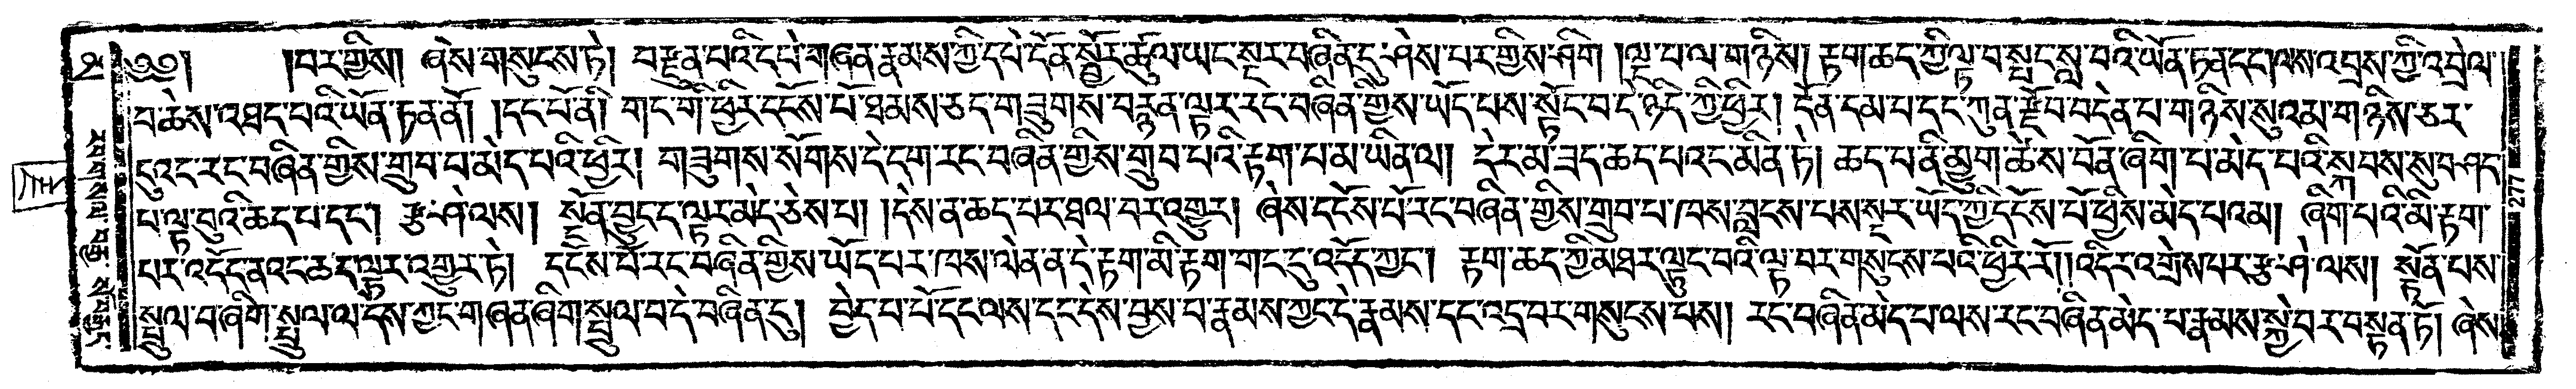པར་གྱིས། ཞེས་གསུངས་ཏེ། བརྫུན་པའི་དཔེ་གཞན་རྣམས་ཀྱི་དཔེ་དོན་སྦྱོར་ཚུལ་ཡང་སྔར་བཞིན་དུ་ཤེས་པར་གྱིས་ཤིག །ལྔ་པ་ལ་གཉིས། རྟག་ཆད་ཀྱི་ལྟ་བ་སྤང་སླ་བའི་ཡོན་ཏན་དང་། ལས་འབྲས་ཀྱི་འབྲེལ་
བ་ཆེས་འཐད་པའི་ཡོན་ཏན་ནོ། །དང་པོ་ནི། གང་གི་ཕྱིར་དངོས་པོ་ཐམས་ཅད་གཟུགས་བརྙན་ལྟར་རང་བཞིན་གྱིས་ཡོད་པས་སྟོང་པ་དེ་ཉིད་ཀྱི་ཕྱིར། དོན་དམ་པ་དང་ཀུན་རྫོབ་བདེན་པ་གཉིས་སུའམ་གཉིས་ཅར་
དུའང་རང་བཞིན་གྱིས་གྲུབ་པ་མེད་པའི་ཕྱིར། གཟུགས་སོགས་དེ་དག་རང་བཞིན་གྱིས་གྲུབ་པའི་རྟག་པ་མ་ཡིན་ལ། དེར་མ་ཟད་ཆད་པའང་མིན་ཏེ། ཆད་པ་ནི་མྱུག་ཚེ་ས་བོན་ཞིག་པ་མེད་པའི་སྐབས་སུ་བཤད་
པ་ལྟ་བུའི་ཆད་པ་དང་། རྩ་ཤེ་ལས། སྔོན་བྱུང་ད་ལྟར་མེད་ཅེས་པ། །དེས་ན་ཆད་པར་ཐལ་བར་འགྱུར། ཞེས་དངོས་པོ་རང་བཞིན་གྱིས་གྲུབ་པ་ཁས་བླངས་པས་སྔར་ཡོད་ཀྱི་དངོས་པོ་ཕྱིས་མེད་པའམ། ཞིག་པའི་མི་རྟག་
པར་འདོད་ནའང་ཆད་ལྟར་འགྱུར་ཏེ། དངོས་པོ་རང་བཞིན་གྱིས་ཡོད་པར་ཁས་ལེན་ན་དེ་རྟག་མི་རྟག་གང་དུ་འདོད་ཀྱང་། རྟག་ཆད་ཀྱི་མཐར་ལྟུང་བའི་ལྟ་བར་གསུངས་པའི་ཕྱིར་རོ། །འདིར་འགྲེལ་པར་རྩ་ཤེ་ལས། སྟོན་པས་
སྤྲུལ་པ་ཞིག་སྤྲུལ་ལ་ངེས་ཀྱང་གཞན་ཞིག་སྤྲུལ་པ་དེ་བཞིན་དུ། བྱེད་པ་པོ་དང་ལས་དང་དེས་བྱས་པ་རྣམས་ཀྱང་དེ་རྣམས་དང་འདྲ་བར་གསུངས་པས། རང་བཞིན་མེད་པ་ལས་རང་བཞིན་མེད་པ་རྣམས་སྐྱེ་བར་བསྟན་ཏོ། ཞེས་